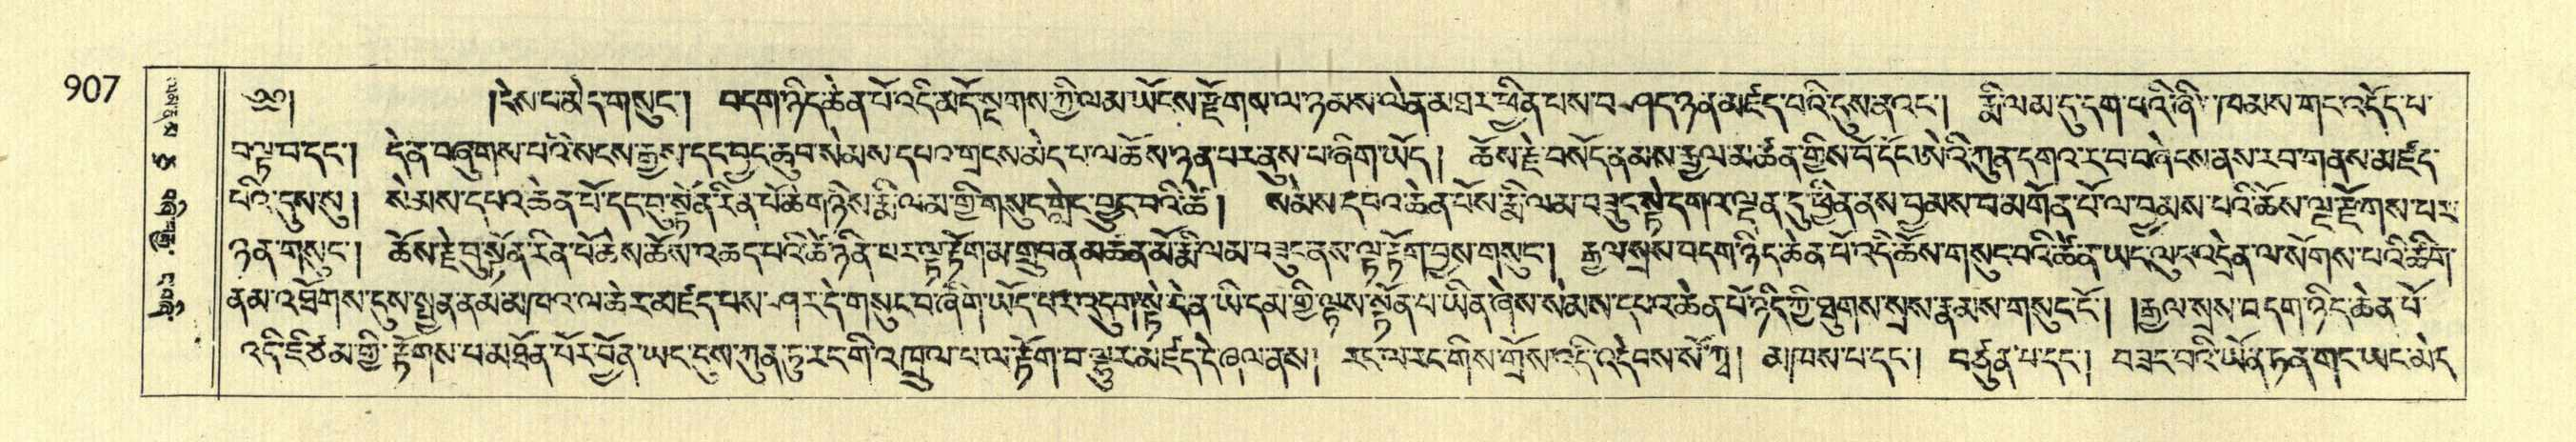༄༅། །ངེས་པ་མེད་གསུང་། བདག་ཉིད་ཆེན་པོ་འདི་མདོ་སྔགས་ཀྱི་ལམ་ཡོངས་རྫོགས་ལ་ཉམས་ལེན་མཐར་ཕྱིན་པས་བཤད་ཉན་མཛད་པའི་དུས་ནའང་། རྨི་ལམ་དུ་དག་པའི་ཞིས་ཁམས་གང་འདོད་པ་
བལྟ་བ་དང་། དེ་ན་བཞུགས་པའི་སངས་རྒྱས་དང་བྱང་ཆུབ་སེམས་དཔའ་གྲངས་མེད་པ་ལ་ཆོས་ཉན་པར་ནུས་པ་ཞིག་ཡོད། ཆོས་རྗེ་བསོད་ནམས་རྒྱལ་མཚན་གྱིས་བོ་དོང་ཨེའི་ཀུན་དགའ་ར་བ་བཞེངས་ནས་རབ་གནས་མཛད་
པའི་དུས་སུ། སེམས་དཔའ་ཆེན་པོ་དང་བུ་སྟོན་རིན་པོ་ཆེ་གཉིས་རྨི་ལམ་གྱི་གསུང་གླེང་བྱུང་བའི་ཚེ། སེམས་དཔའ་ཆེན་པོས་རྨི་ལམ་བཟུང་སྟེ་དགའ་ལྡན་དུ་ཕྱིན་ནས་བྱམས་བ་མགོན་པོ་ལ་བྱམས་པའི་ཆོས་ལྔ་རྫོགས་པར་
ཉན་གསུང་། ཆོས་རྗེ་བུ་སྟོན་རིན་པོ་ཆེས་ཆོས་འཆད་པའི་ཚེ་ཉིན་པར་ལྟ་རྟོག་མ་གྲུབ་ན་མཚན་མོ་རྨི་ལམ་བཟུང་ནས་ལྟ་རྟོག་བྱས་གསུང་། རྒྱལ་སྲས་བདག་ཉིད་ཆེན་པོ་འདི་ཆོས་གསུང་བའི་ཚེ་ན་ཡང་ལུང་འདྲེན་ལ་སོགས་པའི་ཚིག་
ནམ་འཐོགས་དུས་སྤྱན་ནམ་མཁའ་ལ་ཆེར་མཛད་བས་ཤར་དེ་གསུང་བ་ཞིག་ཡོད་པར་འདུག་སྟེ་དེ་ན་ཡི་དམ་གྱི་ལྷས་སྟོན་པ་ཡིན་ཞེས་སེམས་དཔའ་ཆེན་པོ་ཉིད་ཀྱི་ཐུགས་སྲས་རྣམས་གསུང་ངོ། །རྒྱལ་སྲས་བདག་ཉིད་ཆེན་པོ་
འདི་ཇི་ཙམ་གྱི་རྟོགས་པ་མཐོན་པོར་བྱོན་ཡང་དུས་ཀུན་ཏུ་རང་གི་འཁྲུལ་པ་ལ་རྟོག་བ་ལྷུར་མཛད་དེ་ཞལ་ནས། རང་ལ་རང་གིས་གྲོས་འདི་འདེབས་སོ་ཀྭ། མཁས་པ་དང་། བཙུན་པ་དང་། བཟང་བའི་ཡོན་ཏན་གང་ཡང་མེད་